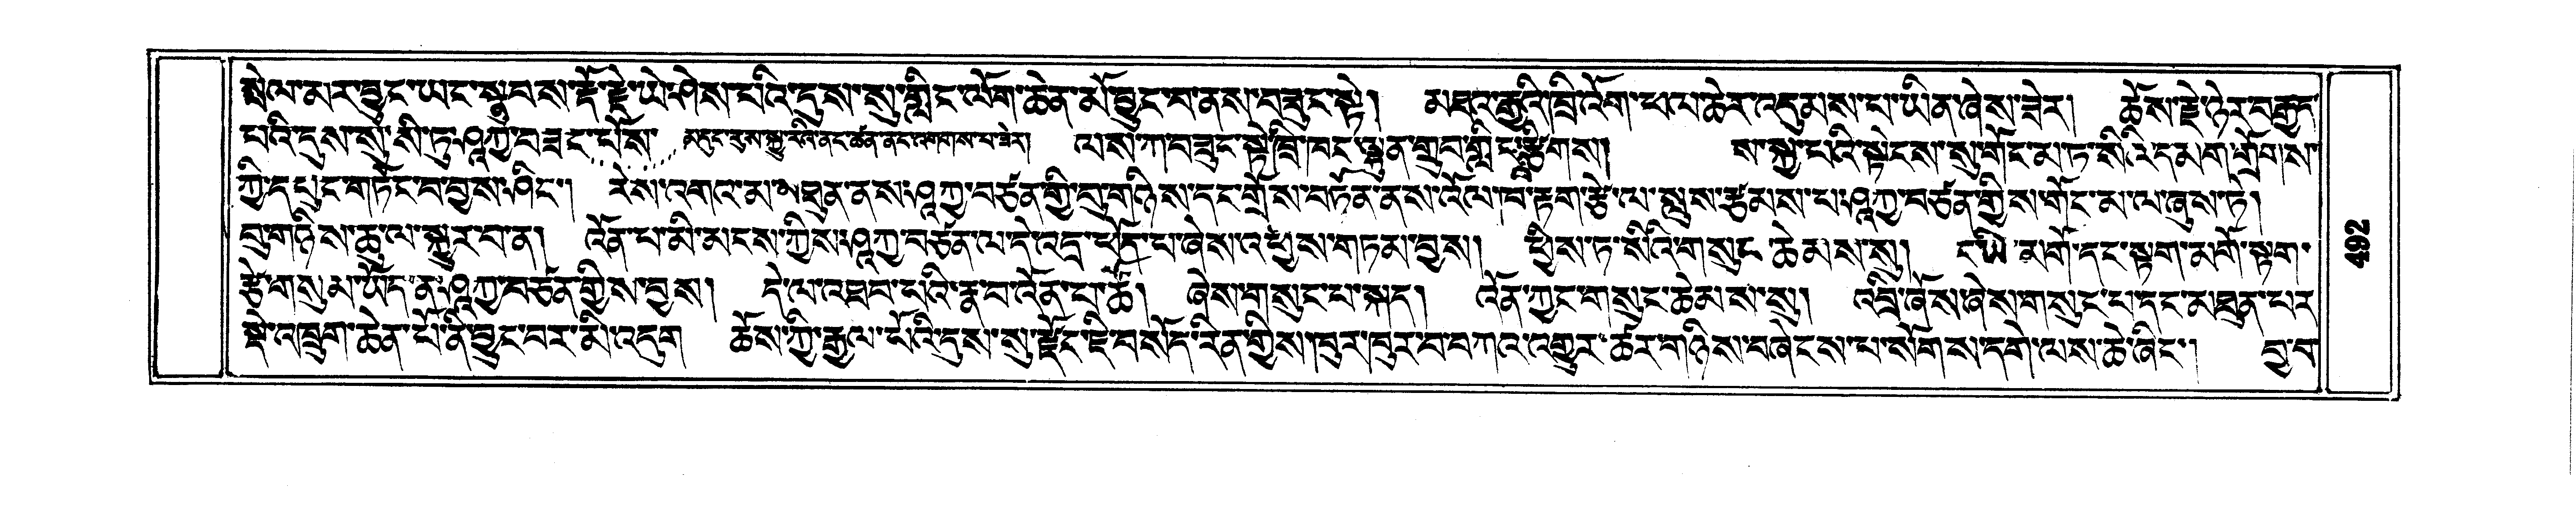སྤེལ་མར་བྱུང་ཡང་སྣུབས་རྡོ་རྗེ་ཡེ་ཤེས་པའི་དུས་སུ་གླིང་ལོག་ཆེན་མོ་བྱུང་བ་ནས་བཟུང་སྟེ། མཐའ་རྒྱའི་ཁྲི་འོག་ཕལ་ཆེར་འདུམས་པ་ཡིན་ཞེས་ཟེར། ཆོས་རྗེ་ཉེར་བརྒྱད་
པའི་དུས་སུ་སི་ཏུ་ཤཱཀྱ་བཟང་པོས་མདུང་རུས་སྐྱུ་རའི་ནང་ཚན་ནང་འགགས་པ་ཟེར།  ལས་ཀ་བཟུང་སྟེ་ཁྲི་ཁང་ལྷུན་གྲུབ་གླིང་བརྩིགས། ས་སྐྱ་པའི་སྟེངས་སུ་གོང་མ་ཏ་སིའི་དམག་གྲོགས་
ཀྱི་དཔུང་གཏོང་བ་བྱས་ཤིང་། རེས་འགའ་མ་མཐུན་ནས་ཤཱཀྱ་བཙན་གྱི་བུ་གཉིས་དང་གྲོས་བཏོན་ནས་འོལ་ཁ་རྟག་རྩེ་ལ་སླུས་རྩམས་པ་ཤཱཀྱ་བཙན་གྱིས་གོང་མ་ལ་ཞུས་ཏེ།
བུ་གཉིས་ཆུ་ལ་སྐྱུར་བ་ན། འོན་པ་མི་མངས་ཀྱིས་ཤཱཀྱ་བཙན་ལ་དེ་འདྲ་ཕོད་པ་ཞེས་འཕྱིས་གཏམ་བྱས། ཕྱིས་ཏ་སིའི་གསུང་ཆེམས་སུ། ང་ཡི་མགོ་དང་སྟག་མགོ་སྟག་
རྩེ་གསུམ་ཡོད་ན་ཤཱཀྱ་བཙན་གྱིས་བྱས། དེ་ལ་འཐབ་པའི་རྣ་བ་འོན་པ་ཚོ། ཞེས་གསུང་པ་སྐད། འོན་ཀྱང་གསུང་ཆེམས་སུ། འབྲི་ཞོས་ཞེས་གསུང་པ་དང་མཐུན་པར་
སྡེ་འཁྲུག་ཆེན་པོ་ནི་བྱུང་བར་མི་འདུག་ཆོས་ཀྱི་རྒྱལ་པོའི་དུས་སུ་རྫོང་ཇི་བསོད་རིན་གྱིས་ཁུར་ཁུར་བ་བཀའ་འགྱུར་ཚར་གཉིས་བཞེངས་པ་སོགས་དགེ་ལས་ཆེ་ཞིང་། བྱ་བ་